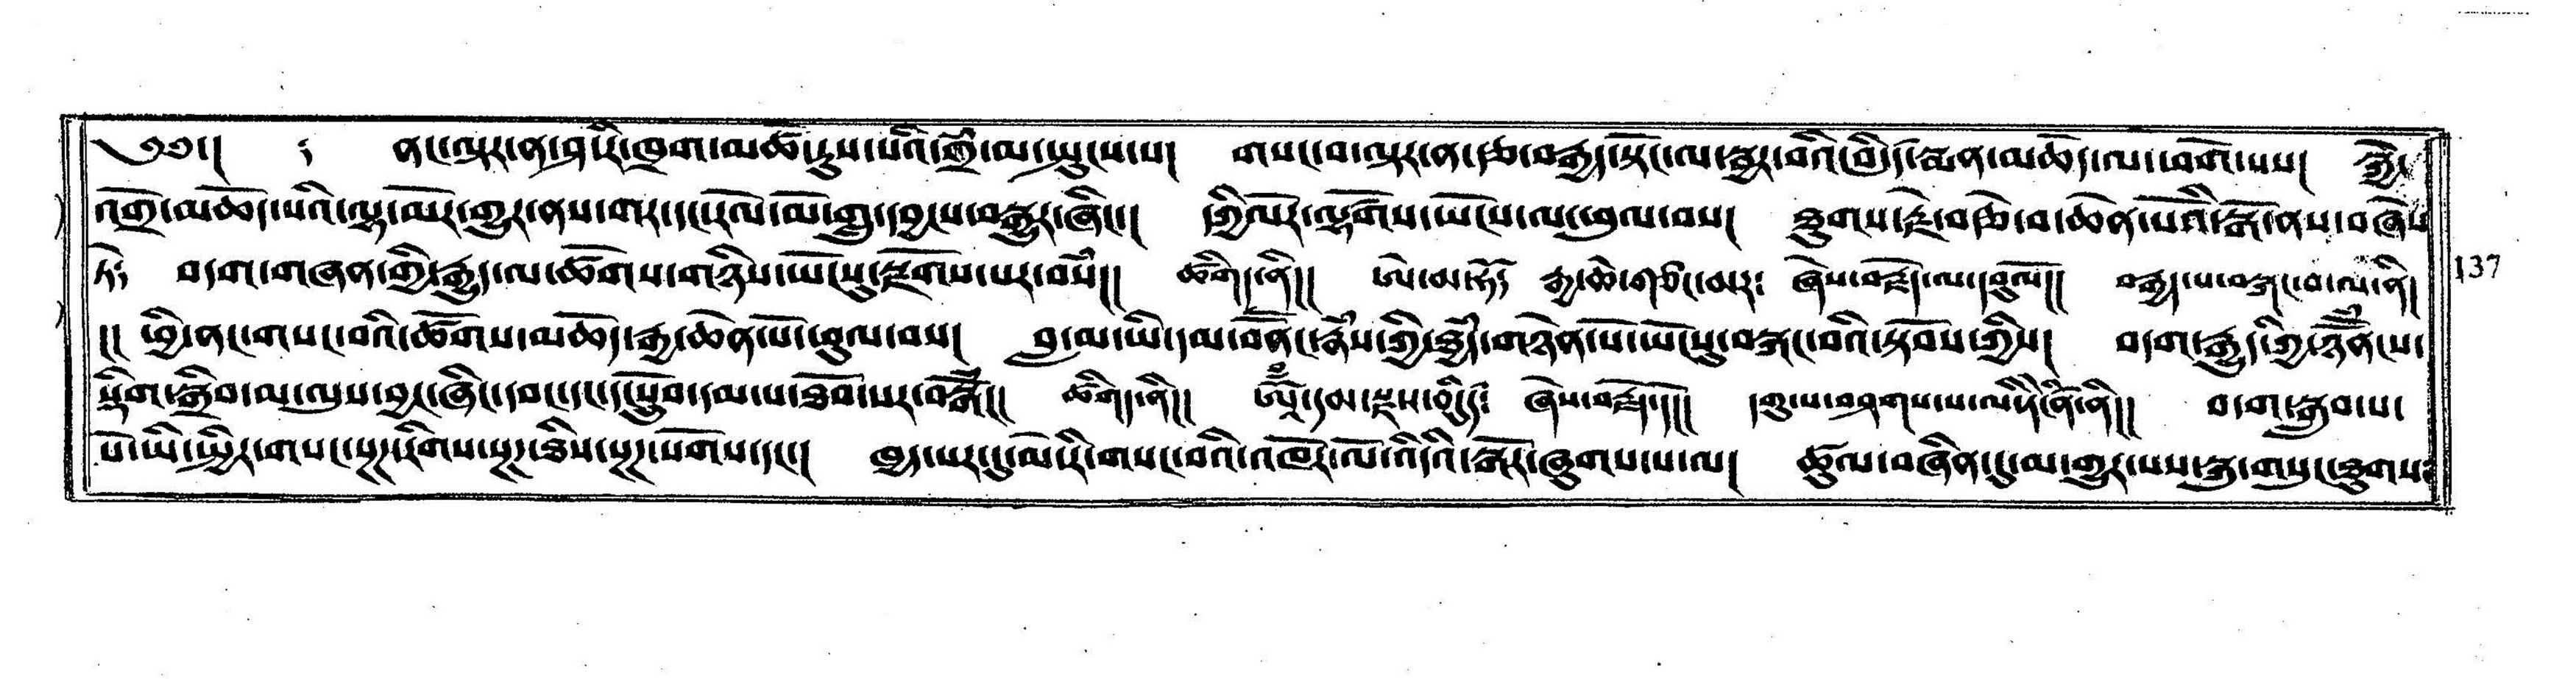ནང་ལྟར་ན་ཤ་རི་ཁྲག་མཚོ་རུས་པའི་གྲམ་མ་སྤུངས་པ། གསང་བ་ལྟར་ན་རྩ་བརྒྱད་སྟོང་ལ་སྦྱར་བའི་བདུད་རྩི་སྨན་མཆོད་ལ་ཕོག་པས། སྐྱེ་
འགྲོ་མཆོད་པའི་ལྷ་མོར་གྱུར་ནས་གར་དང་རོལ་མོ་གླུ་དབྱངས་བསྒྱུར་ཞིང་། དཀྱིལ་འཁོར་ལྷ་ཚོགས་ཡོངས་ལ་ཕུལ་བས། ཐུགས་རྗེ་བརྩེ་བ་ཆེན་པོའི་སྒོ་ནས་བཞེས་
ཏེ། བདག་གཞན་གྱི་རྒྱུད་ལ་ཚོགས་གཉིས་ཡོངས་སུ་རྫོགས་པར་བསམ།། ཚིག་བཤད་ནི།། ཨེ་མ་ཧོ རྒྱ་ཆེ་གཙང་མར༴ ཞེས་བརྗོད་ལ་དབུལ་ལོ།། བརྒྱད་པ་བསྐང་བ་ལ་ནི།
།། ཕྱི་ནང་གསང་བའི་ཚོགས་མཆོད་རྒྱ་ཆེན་པོ་ཕུལ་བས། བླ་མ་ཡི་དམ་བོན་སྐྱོང་རྣམས་ཀྱི་ཐུགས་དམ་གཉེན་པོ་ཡོངས་སུ་བསྐང་བའི་སྟོབས་ཀྱིས། བདག་རྒྱུད་ཀྱི་ཉོན་མོངས་པ་
སྡིག་སྒྲིབ་མ་ལུས་བྱང་ཞིང་དབང་དང་དངོས་གྲུབ་དམ་པ་ཐོབ་པར་བསྒོམ།། ཚིག་བཤད་ནི།། ཨཱོཾ་དམ་རྫས་བདུད་རྩི༴ ཞེས་བརྗོད་དོ།། དགུ་པ་བཤགས་པ་ལ་ཏིང་ངེ་འཛིན་ནི།། བདག་སྒྲུབ་པ་
པོ་ཡི་སྤྱིར་གསང་སྔགས་རིགས་སྔགས་ཐིས་སྔགས་སོགས་དང་། ཁྱད་པར་དུ་མེ་རི་གསང་བའི་འཁོར་ལོ་འདིའི་སྒོར་ཞུགས་པ་ལ། ཚུལ་བཞིན་དུ་མ་གྱུར་པས་སྐུ་གསུང་ཐུགས་